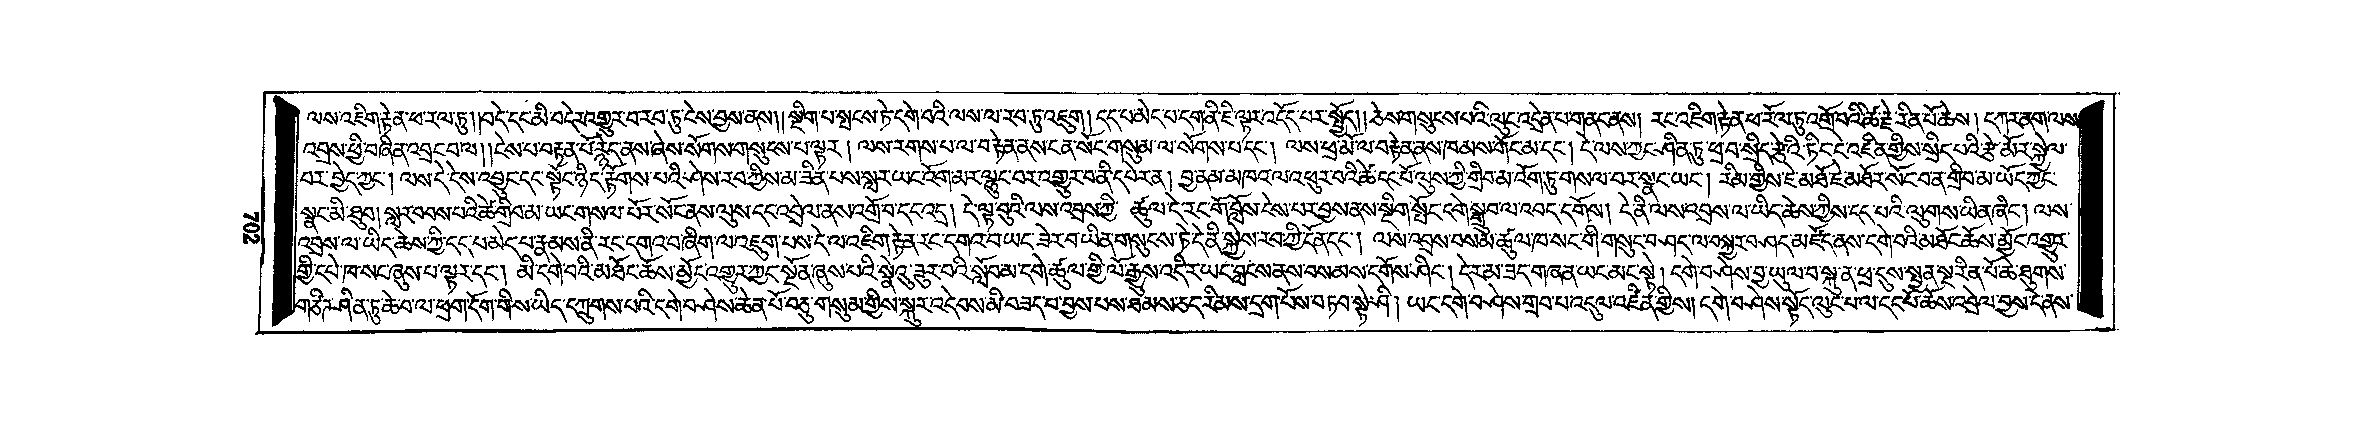ལས་འཇིག་རྟེན་ཕ་རལ་ཏུ། །བདེ་དང་མི་བདེར་འགྱུར་བ་རབ་ཏུ་ངེས་བྱས་ནས། །སྡིག་པ་སྤངས་ཏེ་དགེ་བའི་ལས་ལ་རབ་ཏུ་འཇུག །དད་པ་མེད་པ་དག་ནི་ཇི་ལྟར་འདོད་པར་སྤྱོད། །ཅེས་གསུངས་པའི་ལུང་འདྲེན་པ་གནང་ནས། རང་འཇིག་རྟེན་ཕ་རོལ་ཏུ་འགྲོ་བའི་ཚེ་རྗེ་རིན་པོ་ཆེས། དཀར་ནག་ལས་
འབྲས་ཕྱི་བཞིན་འབྲང་བ་ལ། །ངེས་པ་བརྟན་པོ་རྙེད་ནས་ཞེས་སོགས་གསུངས་པ་ལྟར། ལས་རགས་པ་ལ་བརྟེན་ནས་ངན་སོང་གསུམ་ལ་སོགས་པ་དང་། ལས་ཕྲ་མོ་ལ་བརྟེན་ནས་ཁམས་གོང་མ་དང་། དེ་ལས་ཀྱང་ཤིན་ཏུ་ཕྲ་བ་སྲིད་རྩེའི་ཏིང་ངེ་འཛིན་གྱིས་སྲིད་པའི་རྩེ་མོར་སྐྱེལ་
བར་བྱེད་ཀྱང་། ལས་དེ་དེས་འབྱུང་དང་སྟོང་ཉིད་རྟོགས་པའི་ཤེས་རབ་ཀྱིས་མ་ཟིན་པས་སླར་ཡང་འོག་མར་ལྷུང་བར་འགྱུར་བ་ནི་དཔེར་ན། བྱ་ནམ་མཁའ་ལ་འཕུར་བའི་ཚེ་དང་པོ་ལུས་ཀྱི་གྲིབ་མ་འོག་ཏུ་གསལ་བར་སྣང་ཡང་། རིམ་གྱིས་ཇེ་མཐོ་ཇེ་མཐོར་སོང་བ་ན་གྲིབ་མ་ཡོད་ཀྱང་
སྣང་མི་ཐུབ། སླར་བབས་པའི་ཚེ་གྲིབ་མ་ཡང་གསལ་པོར་སོང་ནས་ལུས་དང་འབྲེལ་ནས་འགྲོ་བ་དང་འདྲ། དེ་ལྟ་བུའི་ལས་འབྲས་ཀྱི་ཚུལ་དེ་རང་གོ་བློས་ངེས་པར་བྱས་ནས་སྡིག་སྤོང་དགེ་སྒྲུབ་ལ་འབད་དགོས། དེ་ནི་ལས་འབྲས་ལ་ཡིད་ཆེས་ཀྱིས་དད་པའི་ལུགས་ཡིན་ཞིང་། ལས་
འབྲས་ལ་ཡིད་ཆེས་ཀྱི་དད་པ་མེད་པ་རྣམས་ནི་རང་དགའ་བ་ཞིག་ལ་འཇུག་པས་དེ་ལ་འཇིག་རྟེན་རང་དགའ་བ་ཡང་ཟེར་བ་ཡིན་གསུངས་ཏེ་དེ་ནི་སྐྱེས་རབ་ཀྱི་དོན་དང་། ལས་འབྲས་བསམ་ཚུལ་ཁ་སང་གི་གསུང་བཤད་ལ་བསྐྱར་བཤད་མཛོད་ནས་དགེ་བའི་མཐོང་ཆོས་མྱོང་འགྱུར་
གྱི་དཔེ་ཁ་སང་ཞུས་པ་ལྟར་དང་། མི་དགེ་བའི་མཐོང་ཆོས་མྱོང་འགྱུར་ཀྱང་སྔོན་ཞུས་པའི་སྣེའུ་ཟུར་བའི་སློབ་མ་དགེ་ཚུལ་གྱི་ལོ་རྒྱུས་འདིར་ཡང་བླངས་ནས་བསམས་དགོས་ཤིང་། དེར་མ་ཟད་གཞན་ཡང་མང་སྟེ། དགེ་བཤེས་བྱ་ཡུལ་བ་སྐུ་ན་ཕྲ་དུས་སྤྱན་སྔ་རིན་པོ་ཆེ་ཐུགས་
གཙིགས་ཤིན་ཏུ་ཆེ་བ་ལ་ཕྲག་དོག་གིས་ཡིད་དཀྲུགས་པའི་དགེ་བཤེས་ཆེན་པོ་བཅུ་གསུམ་གྱིས་སྐུར་འདེབས་མི་བཟད་པ་བྱས་པས་ཐམས་ཅད་རིམས་དྲག་པོས་བཏབ་སྟེ་ཤི། ཡང་དགེ་བཤེས་གྲབ་པ་འདུལ་འཛིན་གྱིས། དགེ་བཤེས་སྟོད་ལུང་པ་ལ་དང་པོ་ཆོས་འབྲེལ་བྱས་དེ་ནས་